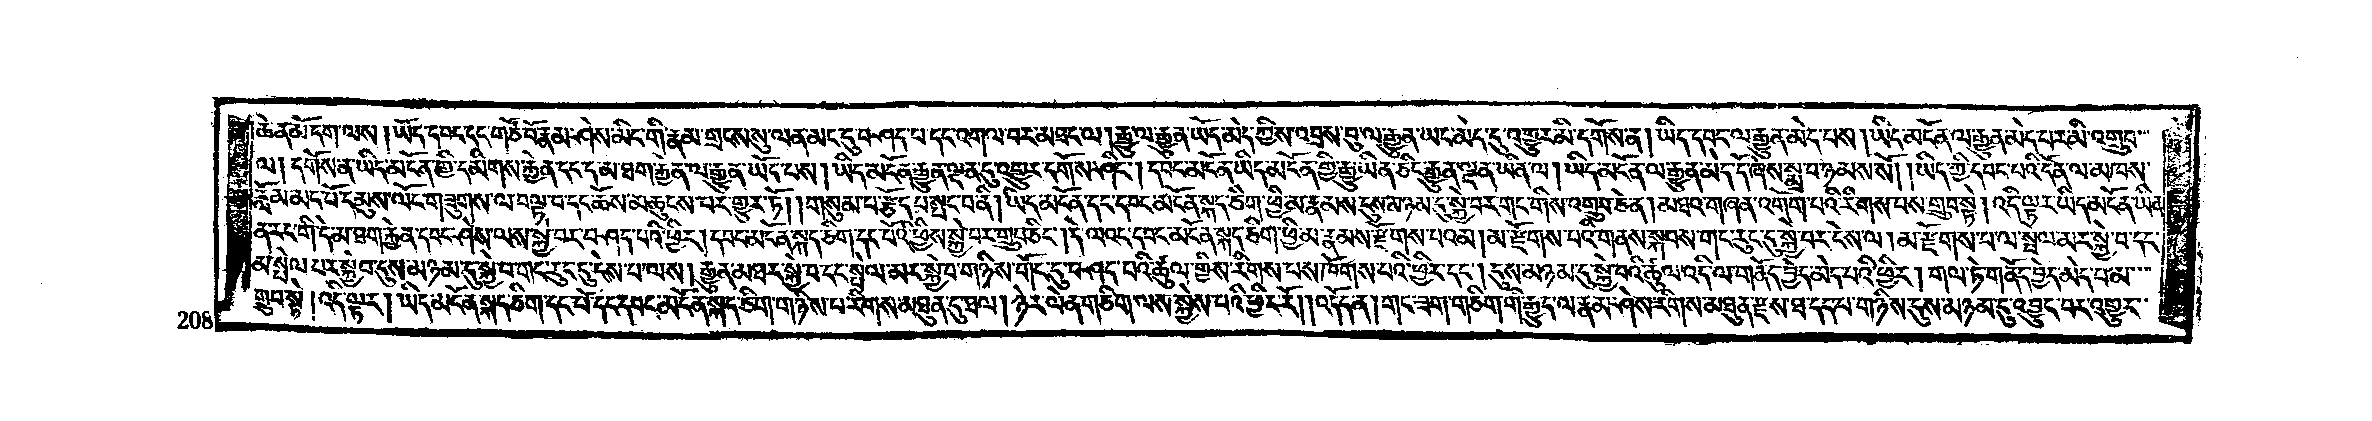ཆེན་མོ་དག་ལས། ཡིད་དབང་དང་གཙོ་བོ་རྣམ་ཤེས་མིང་གི་རྣམ་གྲངས་སུ་ལན་མང་དུ་བཤད་པ་དང་འགལ་བར་མཐོང་ལ། རྒྱུ་ལ་རྒྱུན་ཡོད་མེད་ཀྱིས་འབྲས་བུ་ལ་རྒྱུན་ཡང་མེད་དུ་འགྱུར་མི་དགོས་ན། ཡིད་དབང་ལ་རྒྱུན་མེད་པས། ཡིད་མངོན་ལ་རྒྱུན་མེད་པར་མི་འགྲུབ་
ལ། དགོས་ན་ཡིད་མངོན་གྱི་དམིགས་རྐྱེན་དང་དེ་མ་ཐག་རྐྱེན་ལ་རྒྱུན་ཡོད་པས། ཡིད་མངོན་རྒྱུན་ལྡན་དུ་འགྱུར་དགོས་ཤིང་། དབང་མངོན་ཡིད་མངོན་གྱི་རྒྱུ་ཡིན་ཅིང་རྒྱུན་ལྡན་ཡིན་ལ། ཡིད་མངོན་ལ་རྒྱུན་མེད་དོ་ཞེས་སྨྲ་བ་ཉམས་སོ། །ཡིད་ཀྱི་དབང་པོའི་དོན་ལ་མཁས་
རློམ་མང་པོ་དམུས་ལོང་གཟུགས་ལ་བལྟ་བ་དང་ཆོས་མཚུངས་པར་གྱུར་ཏོ། །གསུམ་པ་རྩོད་པ་སྤང་བ་ནི། ཡིད་མངོན་དང་དབང་མངོན་སྐད་ཅིག་ཕྱི་མ་རྣམས་དུས་མཉམ་དུ་སྐྱེ་བར་གང་གིས་འགྲུབ་ཅེ་ན། མཐའ་གཞན་འགོག་པའི་རིགས་པས་གྲུབ་སྟེ། འདི་ལྟར་ཡིད་མངོན་ཡིན་
ན་རང་གི་དེ་མ་ཐག་རྐྱེན་དབང་ཤེས་ལས་སྐྱེ་བར་བཤད་པའི་ཕྱིར། དབང་མངོན་སྐད་ཅིག་དང་པོའི་ཕྱིས་སྐྱེ་བར་གྲུབ་ཅིང་། དེ་ལའང་དབང་མངོན་སྐད་ཅིག་ཕྱི་མ་རྣམས་རྫོགས་པའམ། མ་རྫོགས་པའི་གནས་སྐབས་གང་རུང་དུ་སྐྱེ་བར་ངེས་ལ། མ་རྫོགས་པ་ལ་སྤེལ་མར་སྐྱེ་བ་དང་
མ་སྤེལ་པར་སྐྱེ་བ་དུས་མཉམ་དུ་སྐྱེ་བ་གང་རུང་དུ་ངེས་པ་ལས། རྒྱུན་མཐར་སྐྱེ་བ་དང་སྤེལ་མར་སྐྱེ་བ་གཉིས་གོང་དུ་བཤད་པའི་ཚུལ་གྱིས་རིགས་པས་ཁེགས་པའི་ཕྱིར་དང་། དུས་མཉམ་དུ་སྐྱེ་བའི་ཚུལ་འདི་ལ་གནོད་བྱེད་མེད་པའི་ཕྱིར། གལ་ཏེ་གནོད་བྱེད་མེད་པ་མ་
གྲུབ་སྟེ། འདི་ལྟར། ཡིད་མངོན་སྐད་ཅིག་དང་པོ་དང་དབང་མངོན་སྐད་ཅིག་གཉིས་པ་རིགས་མཐུན་དུ་ཐལ། ཉེར་ལེན་གཅིག་ལས་སྐྱེས་པའི་ཕྱིར་རོ། །འདོད་ན། གང་ཟག་གཅིག་གི་རྒྱུད་ལ་རྣམ་ཤེས་རིགས་མཐུན་རྫས་ཐ་དད་པ་གཉིས་དུས་མཉམ་དུ་འབྱུང་བར་འགྱུར་